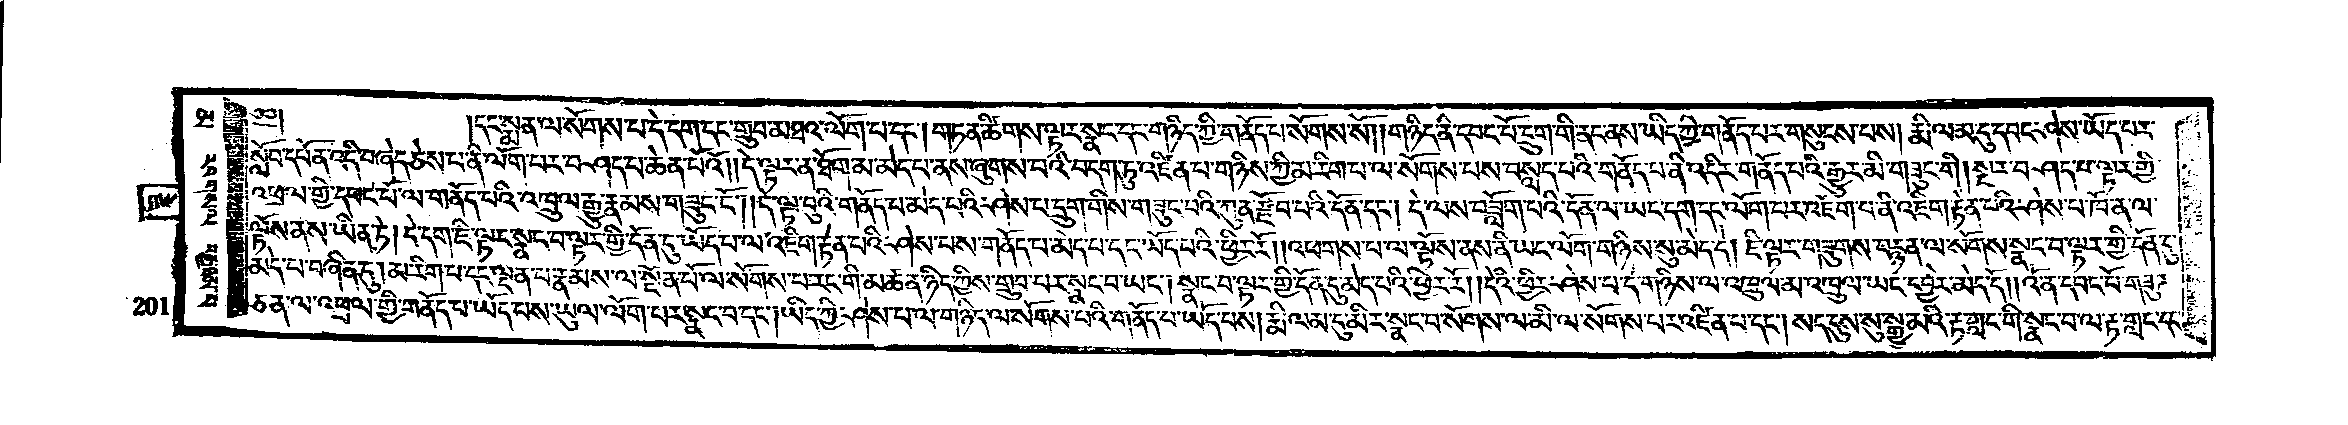༄༅། །དང་སྨན་ལ་སོགས་པ་དེ་དག་དང་གྲུབ་མཐའ་ལོག་པ་དང་། གཏན་ཚིགས་ལྟར་སྣང་དང་གཉིད་ཀྱི་གནོད་པ་སོགས་སོ། །གཉིད་ནི་དབང་པོ་དྲུག་གི་ནང་ནས་ཡིད་ཀྱི་གནོད་པར་གསུངས་པས། རྨི་ལམ་དུ་དབང་ཤེས་ཡོད་པར་
སློབ་དཔོན་འདི་བཞེད་ཅེས་པ་ནི་ལོག་པར་བཤད་པ་ཆེན་པོའོ། །དེ་ལྟར་ན་ཐོག་མ་མེད་པ་ནས་ཞུགས་པའི་བདག་ཏུ་འཛིན་པ་གཉིས་ཀྱི་མ་རིག་པ་ལ་སོགས་པས་བསླད་པའི་གནོད་པ་ནི་འདིར་གནོད་པའི་རྒྱུར་མི་གཟུང་གི །སྔར་བཤད་པ་ལྟར་གྱི་
འཕྲལ་གྱི་དབང་པོ་ལ་གནོད་པའི་འཁྲུལ་རྒྱུ་རྣམས་གཟུང་ངོ། །དེ་ལྟ་བུའི་གནོད་པ་མེད་པའི་ཤེས་པ་དྲུག་གིས་གཟུང་པའི་ཀུན་རྫོབ་པའི་དོན་དང་། དེ་ལས་བཟློག་པའི་དོན་ལ་ཡང་དག་དང་ལོག་པར་འཇོག་པ་ནི་འཇིག་རྟེན་པའི་ཤེས་པ་ཁོ་ན་ལ་
ལྟོས་ནས་ཡིན་ཏེ། དེ་དག་ཇི་ལྟར་སྣང་བ་ལྟར་གྱི་དོན་དུ་ཡོད་པ་ལ་འཇིག་རྟེན་པའི་ཤེས་པས་གནོད་པ་མེད་པ་དང་ཡོད་པའི་ཕྱིར་རོ། །འཕགས་པ་ལ་ལྟོས་ནས་ནི་ཡང་ལོག་གཉིས་སུ་མེད་དེ། ཇི་ལྟར་གཟུགས་བརྙན་ལ་སོགས་སྣང་བ་ལྟར་གྱི་དོན་དུ་
མེད་པ་བཞིན་དུ། མ་རིག་པ་དང་ལྡན་པ་རྣམས་ལ་སྔོན་པོ་ལ་སོགས་པ་རང་གི་མཚན་ཉིད་ཀྱིས་གྲུབ་པར་སྣང་བ་ཡང་། སྣང་བ་ལྟར་གྱི་དོན་དུ་མེད་པའི་ཕྱིར་རོ། །དེའི་ཕྱིར་ཤེས་པ་དེ་གཉིས་ལ་འཁྲུལ་མ་འཁྲུལ་ཡང་དབྱེར་མེད་དོ། །འོ་ན་དབང་པོ་གཟུགས་
ཅན་ལ་འཕྲལ་གྱི་གནོད་པ་ཡོད་པས་ཡུལ་ལོག་པར་སྣང་བ་དང་། ཡིད་ཀྱི་ཤེས་པ་ལ་གཉིད་ལ་སོགས་པའི་གནོད་པ་ཡོད་པས། རྨི་ལམ་དུ་མིར་སྣང་བ་སོགས་ལ་མི་ལ་སོགས་པར་འཛིན་པ་དང་། སད་དུས་སུ་སྒྱུ་མའི་རྟ་གླང་གི་སྣང་བ་ལ་རྟ་གླང་དང་